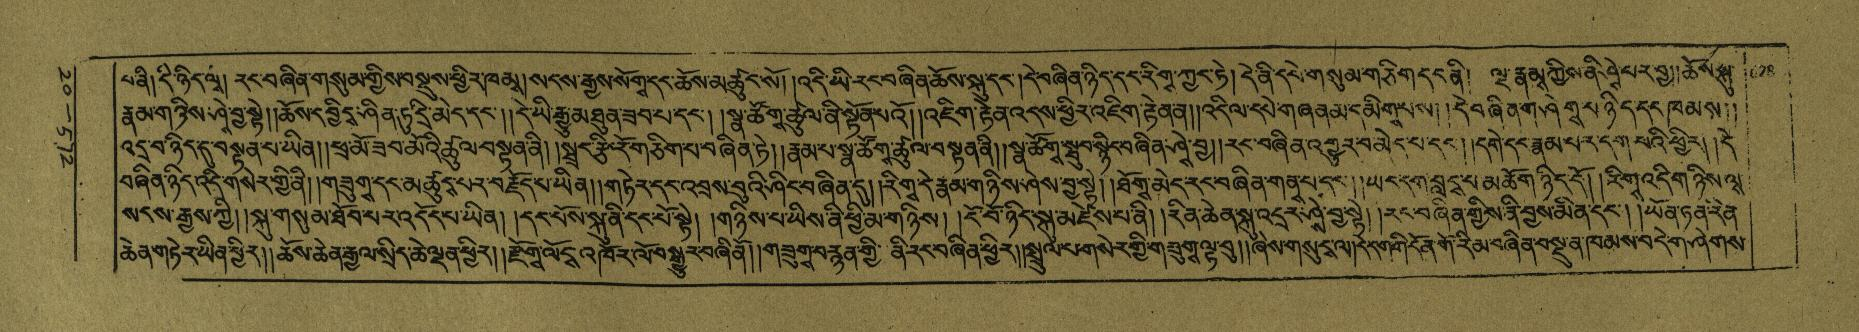པ་ནི། དི་ཉིད་ལས། རང་བཞིན་གསུམ་གྱིས་བསྡུས་ཕྱིར་ཁམས། སངས་རྒྱས་སོགས་དང་ཆོས་མཚུང་སོ། །འདི་ཡི་རང་བཞིན་ཆོས་སྐུ་དང་། དེ་བཞིན་ཉིད་དང་རིགས་ཀྱང་ཏེ། དེ་ནི་དཔེ་གསུམ་གཅིག་དང་ནི། ལྔ་རྣམས་ཀྱིས་ནི་ཤེས་པར་བྱ། །ཆོས་སྐུ་
རྣམ་གཉིས་ཤེས་བྱ་སྟེ། །ཆོས་དབྱིངས་ཤིན་ཏུ་དྲི་མེད་དང་། །དེ་ཡི་རྒྱུ་མཐུན་ཟབ་པ་དང་། །སྣ་ཚོགས་ཚུལ་ནི་སྟོན་པའོ། །འཇིག་རྟེན་འདས་ཕྱིར་འཇིག་རྟེན་ན། །འདི་ལ་དཔེ་གཞན་མ་དམིགས་པས། །དེ་བཞིན་གཤེགས་པ་ཉིད་དང་ཁམས།།
འདྲ་བ་ཉིད་དུ་བསྟན་པ་ཡིན། །ཕྲ་མོ་ཟབ་མོའི་ཚུལ་བསྟན་ནི། །སྦྲང་རྩི་རོ་གཅིག་པ་བཞིན་ཏེ། །རྣམ་པ་སྣ་ཚོགས་ཚུལ་བསྟན་ནི། །སྣ་ཚོགས་སྦུབ་སྙིང་བཞིན་ཤེས་བྱ། །རང་བཞིན་འགྱུར་བ་མེད་པ་དང་། །དགེ་དང་རྣམ་པར་དག་པའི་ཕྱིར། །དེ་
བཞིན་ཉིད་འདི་གསེར་གྱི་ནི། །གཟུགས་དང་མཚུངས་པར་བརྗོད་པ་ཡིན། །གཏེར་དང་འབྲས་བུའི་ཤིང་བཞིན་དུ། །རིགས་དེ་རྣམ་གཉིས་ཤེས་བྱ་སྟེ། །ཐོགས་མེད་རང་བཞིན་གནས་པ་དང་། །ཡང་དག་བླངས་པ་མཆོག་ཉིད་དོ། །རིགས་འདི་གཉིས་ལས་
སངས་རྒྱས་ཀྱི། །སྐུ་གསུམ་ཐོབ་པར་འདོད་པ་ཡིན། །དང་པོས་སྐུ་ནི་དང་པོ་སྟེ། །གཉིས་པ་ཡིས་ནི་ཕྱི་མ་གཉིས། །ངོ་བོ་ཉིད་སྐུ་མཛེས་པ་ནི། །རིན་ཆེན་སྐུ་འདྲར་ཤེས་བྱ་སྟེ། །རང་བཞིན་གྱིས་ནི་བྱས་མིན་དང་། །ཡོན་ཏན་རིན་
ཆེན་གཏེར་ཡིན་ཕྱིར། །ཆོས་ཆེན་རྒྱལ་སྲིད་ཆེ་ལྡན་ཕྱིར། །རྫོགས་ལོངས་འཁོར་ལོ་བསྒྱུར་བཞིནོ། །གཟུགས་བརྙན་གྱི་ནི་རང་བཞིན་ཕྱིར། །སྤྲུལ་པ་གསེར་གྱི་གཟུགས་ལྟ་བུ། །ཞེས་གསུངས་ལ། དེ་དག་གི་དོན་གོ་རིམ་བཞིན་བསྡུ་ན་ཁམས་བདེ་གཤེགས་